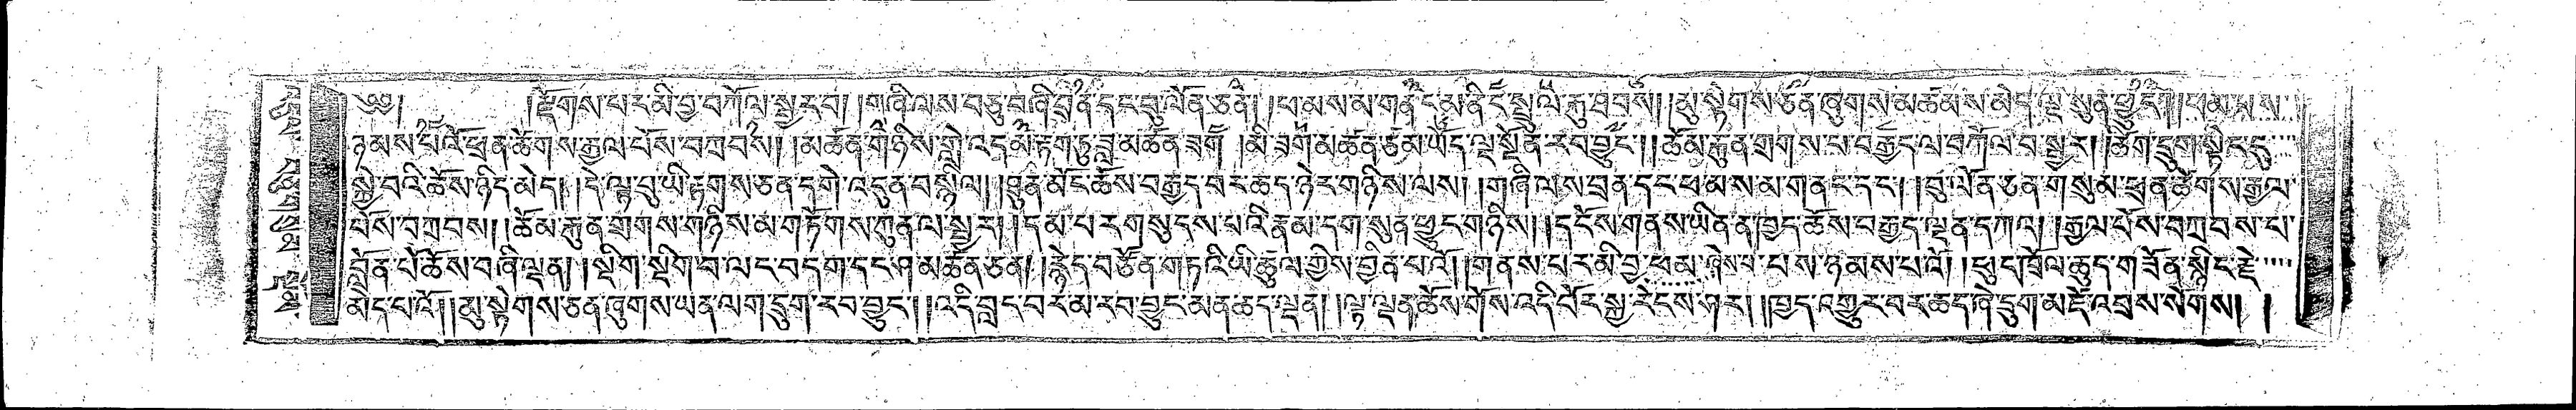༄༅། །རྫོགས་པར་མི་བྱ་བཀོལ་སྦྱར་བ། །གཞི་ལས་བཅུ་བཞི་བྲན ༡དང་བུ་ལོན་ཅན ༢་། །ཕ་མས་མ་གནང ༣་མ་ནིང ༤་སྤྲུལ ༥་རྐུ་ཐབས ༦། །མུ་སྟེགས་ཅན ༩་ཞུགས་མཚམས་མེད་ལྔ ༡༢་སུན་ཕྱུང ༡༣་། །ཕམ་པས་
ཉམས ༡༤་པའོ་ཕྲན་ཆོགས་རྒྱལ་པོས་བཀྲབས ༡། །མཚན ༢་གཉིས་གླེ་འདམ ༣་རྟག་ཏུ་ཟླ་མཚན་ཟག ༤་།མི་ཟག ༥་མཚན་ཙམ་ཡོད ༦་ལྔ་སྔོན་རབ་བྱུང ༧། །ཆོམ་རྐུན་གྲགས་པ་བརྒྱད་ལ་བཀོལ་བ་སྦྱར། །ཚིག་དྲུག་སྟེང་དུ་
སྐྱེ་བའི་ཆོས་ཉིད་མེད། །དེ་ལྟ་བུ་ཡི་རྟགས་ཅན་དགེ་འདུན་བསྙིལ། །ཐུན་མོང་ཆོས་བརྒྱད་བར་ཆད་ཉེར་གཉིས་ལས། །གཞི་ལས་བྲན་དང་ཕ་མས་མ་གནང་དང་། །བུ་ལོན་ཅན་གསུམ་ཕྲན་ཆོགས་རྒྱལ་
པོས་བཀྲབས། །ཆོམ་རྐུན་གྲགས་གཉིས་མ་གཏོགས་ཀུན་ལ་སྦྱར། །དམ་པར་གསུངས་པའི་རྣམ་དག་སུན་ཕུང་གཉིས། །དངོས་གནས་ཡིན་ན་ཁྱད་ཆོས་བརྒྱད་ལྡན་དཀའ། །རྒྱལ་པོས་བཀྲབས་པ་
བློན་པོ་ཆོས་བཞི་ལྡན། །སྡིག་སྡིག་བ་ལང་བདག་དང་ཤ་མཚན་ཅན། །རྙེད་བཙོན་གཏའི་ཡི་ཚུལ་གྱིས་བྱིན་པའོ། །གནས་པར་མི་བྱ་ཕམ་ཞེས་པ་པས་ཉམས་པའོ། །ཕུང་ཁྲོལ་ཆུད་གཟོན་སྙིང་རྗེ་
མེད་པའོ། །མུ་སྟེགས་ཅན་ཞུགས་ཡན་ལག་དྲུག་རབ་བྱུང་། །འདི་བླང་བར་མ་རབ་བྱུང་མན་ཆད་ལྡན། །ལྟ་ལྡན་ཆོས་གོས་འདི་བོར་སྐྱ་རེངས་ཤར། །ཁྱད་འགྱུར་བར་ཆད་ཞེ་དྲུག་མཛེ་འབྲས་སོགས། །